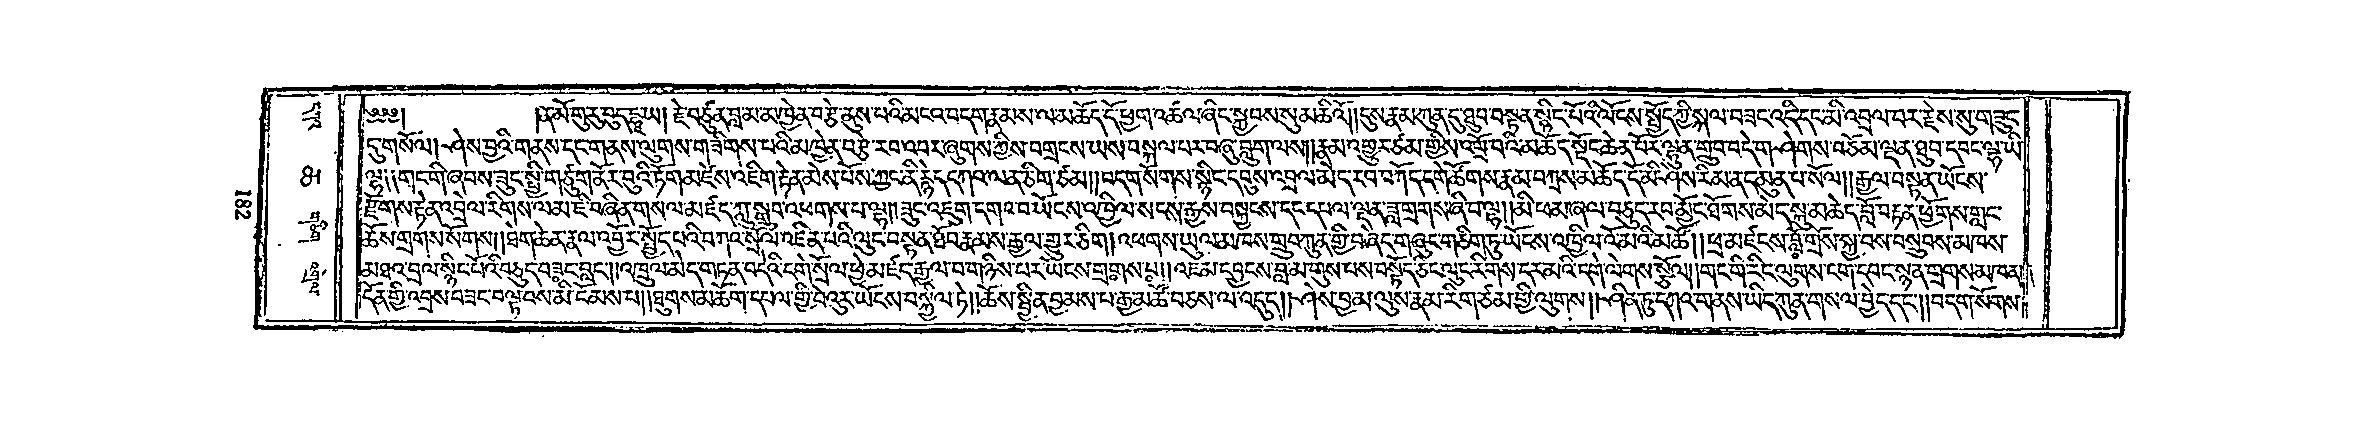༄༅༅། །ན་མོ་གུ་རུ་བུད་དྷཱ་ཡ། རྗེ་བཙུན་བླ་མ་མཁྱེན་བརྩེ་ནུས་པའི་མངའ་བདག་རྣམས་ལ་མཆོད་དོ་ཕྱག་འཚལ་ཞིང་སྐྱབས་སུ་མཆིའོ། །དུས་རྣམ་ཀུན་དུ་ཐུབ་བསྟན་སྙིང་པོའི་ལོངས་སྤྱོད་ཀྱི་སྐལ་བཟང་འདི་དང་མི་འབྲལ་བར་རྗེས་སུ་གཟུང་
དུ་གསོལ། ཤེས་བྱའི་གནས་དང་གནས་ལུགས་གཟིགས་པའི་མཁྱེན་བརྩེ་རབ་འབར་ཞུགས་ཀྱིས་བགྲངས་ཡས་བསྐལ་པར་བཞུ་བླུག་ལས། །རྣམ་འགྱུར་ཙམ་གྱིས་འགྲོ་བའི་མཆོད་སྡོང་ཆེན་པོར་ལྷུན་གྲུབ་བདེ་གཤེགས་བཅོམ་ལྡན་ཐུབ་དབང་ལྷ་ཡི་
ལྷ། །གང་གི་ཞབས་ཟུང་སྤྱི་གཙུག་ནོར་བུའི་ཏོག་མཛེས་འཇིག་རྟེན་མེས་པོས་ཀྱང་ནི་རྙེད་དཀའ་ལན་ཅིག་ཙམ། །བདག་སོགས་སྙིང་དབུས་འབྲལ་མེད་རབ་བཀོད་དགེ་ཚོགས་རྣམ་བཀྲས་མཆོད་དོ་མི་ཤེས་རིམ་ནད་མུན་པ་སོལ། །རྒྱལ་བསྟན་ཡོངས་
རྫོགས་རྟེན་འབྲེལ་རིགས་ལམ་ཇི་བཞིན་གསལ་མཛད་ཀླུ་སྒྲུབ་འཕགས་པ་ལྷ། །ཟུང་འཇུག་དགའ་བ་ཡོངས་འཁྱིལ་སངས་རྒྱས་བསྐྱངས་དང་དཔལ་ལྡན་ཟླ་གྲགས་ཞི་བ་ལྷ། །མི་ཕམ་ཞལ་བཅུད་རབ་མྱོང་ཐོགས་མེད་སྐུ་མཆེད་བློ་བརྟན་ཕྱོགས་གླང་
ཆོས་གྲགས་སོགས། །ཐེག་ཆེན་རྣལ་འབྱོར་སྤྱོད་པའི་བཀའ་སྲོལ་འཛིན་པའི་ལུང་བསྟན་ཐོབ་རྣམས་རྒྱལ་གྱུར་ཅིག །འཕགས་ཡུལ་མཁས་གྲུབ་ཀུན་གྱི་བཞེད་གཞུང་གཅིག་ཏུ་ཡོངས་འཁྱིལ་འོ་མའི་མཚོ། ཕྲ་མཛངས་བློ་གྲོས་སྐྱབས་བསྲུབས་མཁས་
མཐའ་བྲལ་སྙིང་པོའི་བཅུད་བཟང་བླང་། །འཁྲུལ་མེད་གཏན་བདེའི་དགེ་སྲོལ་ཕྱེ་མཛད་རྒྱལ་བ་གཉིས་པར་ཡོངས་གྲགས་པ། །འཇམ་དབྱངས་བླ་མ་གུས་པས་བསྟོད་ཅིང་ལུང་རིགས་དར་མའི་དགེ་ལེགས་སྩོལ། །གང་གི་རིང་ལུགས་ངག་དབང་སྙན་གྲགས་མཁན་
དོན་གྱི་འབྲས་བཟང་བལྟ་བས་མི་ངོམས་པ། །ཐུགས་མཆོག་དཔལ་གྱི་བེའུར་ཡོངས་བསྐྱིལ་ཏེ། །ཆོས་སྦྱིན་བྱམས་པ་རྒྱ་མཚོ་བཅས་ལ་འདུད། །ཤེས་བྱ་མ་ལུས་རྣམ་རིག་ཙམ་གྱི་ལུགས། །ཤིན་ཏུ་དཀའ་གནས་ཡིད་ཀུན་གསལ་བྱེད་དང་། །བདག་སོགས་